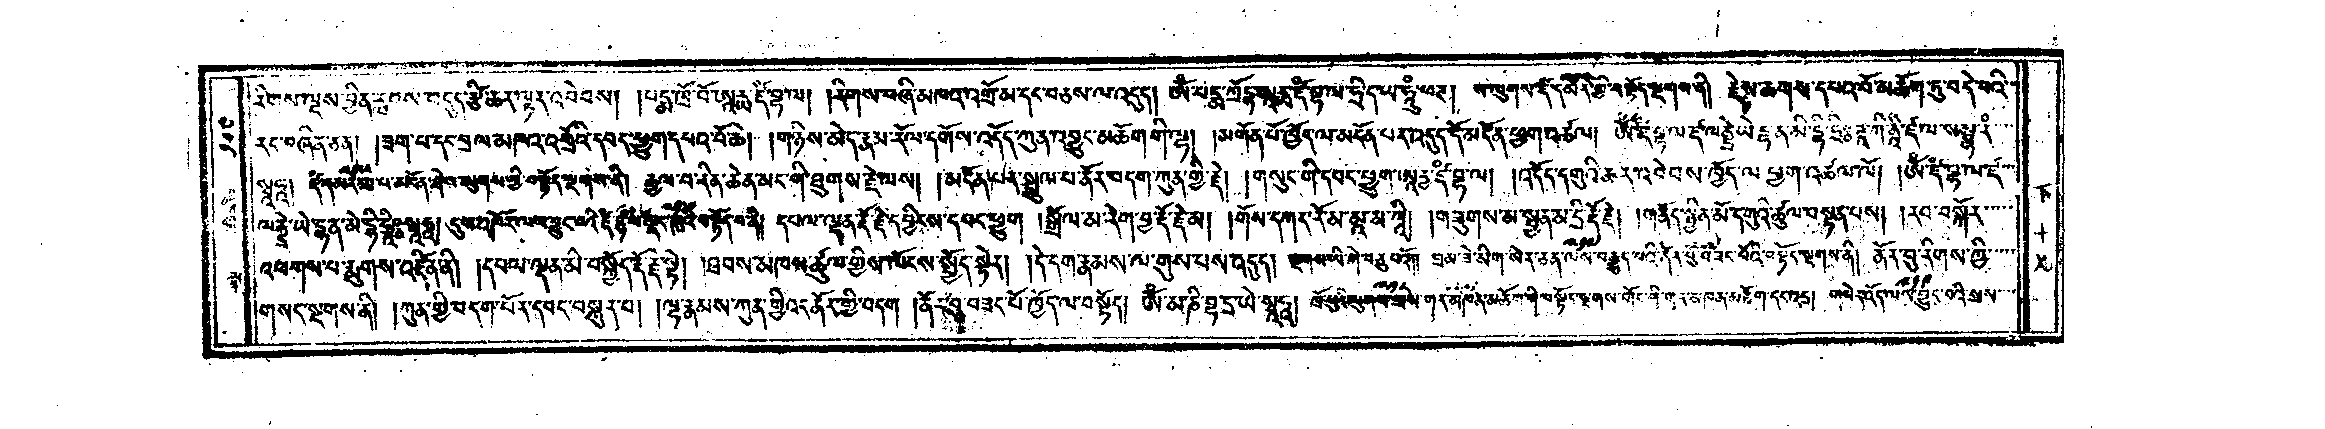རིགས་ལྔས་བྱིན་རླབས་བདུད་རྩི་ཆར་ལྟར་འབེབས། །པདམ་ཁྲོ་བོ་ཨཱརྱ་ཛཾ་བྷ་ལ། །རིགས་བཞི་མཁའ་འགྲོ་མ་དང་བཅས་ལ་འདུད། ཨོཾ་པདམ་ཀྲོདྷ་ཨཱརྱ་ཛཾ་བྷ་ལ་ཧྲི་ད་ཡ་ཧཱུཾ་ཕཊ། ས་ལུགས་ཛཾ?་དམར༢༡༤་གྱི་བསྟོད་སྔགས་ནི། རྗེས་ཆགས་དཔའ་བོ་མཆོག་ཏུ་བདེ་བའི་
རང་བཞིན་ཅན། །ཟག་པ་དང་བྲལ་མཁའ་འགྲོའི་དབང་ཕྱུག་དཔའ་བོ་ཆེ། །གཉིས་མེད་རྣམ་རོལ་དགོས་འདོད་ཀུན་འབྱུང་མཆོག་གི་ལྷ། །མགོན་པོ་ཁྱོད་ལ་མངོན་པར་འདུད་དོ་མངོན་ཕྱག་འཚལ། ཨོཾ་ཛཾ་བྷ་ལ་ཛ་ལནྡྲེ་ཡེ་དྷ་ན་མི་དྷི་ཧྲིཿཌཱ་ཀི་ནཱི་ཛ་ལ་སམྦྷ་རཾ་
སྭཱཧཱ། ཛཾ་དམར༢༡༥་གྲ་ལ་མངོན་ཤེས་ལུགས་ཀྱི་བསྟོད་སྔགས་ནི། རྒྱལ་བ་རིན་ཆེན་མང་གི་ཐུགས་རྗེ་ལས། །མངོན་པར་སྤྲུལ་པ་ནོར་བདག་ཀུན་གྱི་རྗེ། །གསུང་གི་དབང་ཕྱུག་ཨཱརྱ་ཛཾ་བྷ་ལ། །འདོད་དགུའི་ཆར་འབེབས་ཁྱོད་ལ་ཕྱག་འཚལ་ལོ། །ཨོཾ་ཛཾ་བྷ་ལ་ཛ་
ལནྡྲེ་ཡེ་དྷ་ན་མེ་དྷི་ཧྲཱིཿསྭཱཧཱ། དུས་འཁོར་ལས་བྱུང་བའི་ཛཾ་བྷ་ལ༡༡༦་ལྗང་ཁུའི་བསྟོད་པ་ནི། དཔལ་ལྡན་རྡོ་རྗེ་དབྱིངས་དབང་ཕྱུག །སྒྲོལ་མ་རེག་བྱ་རྡོ་རྗེ་མ། །གོས་དཀར་རོ་མ་མཱ་མ་ཀཱི། །གཟུགས་མ་སྤྱན་མ་དྲི་རྡོ་རྗེ། །གནོད་སྦྱིན་མོ་དགུའི་ཚུལ་བསྟན་པས། །རབ་བསྐོར་
འཕགས་པ་རྨུགས་འཛིན་ནི། །དཔལ་ལྡན་མི་བསྐྱོད་རྡོ་རྗེ་སྟེ། །ཐབས་མཁས་ཚུལ་གྱིས་ལོངས་སྤྱོད་སྟེར། །དེ་དག་རྣམས་ལ་གུས་པས་འདུད། སྔགས་ཡི་གེ་བཅུ་པའོ།། བྲམ་ཟེ་མིག་སེར་ཅན་ལས་བརྒྱུད་པའི་ནོར་བུ༢༡༧?་བཟང་པོའི་བསྟོད་སྔགས་ནི། ནོར་བུ་རིགས་ཀྱི་
གསང་སྔགས་ནི། །ཀུན་གྱི་བདག་པོར་དབང་བསྐུར་བ། །ལྷ་རྣམས་ཀུན་གྱིའང་ནོར་གྱི་བདག །ནོར་བུ་བཟང་པོ་ཁྱོད་ལ་བསྟོད། ཨོཾ་མ་ཎི་བྷ་དྲ་ཡེ་སྭཱཧཱ། ཁྲོ་ཕུའི་ལུགས་སྲས་གར་མཁན༢༡༨་མཆོག་གི་བསྟོད་སྔགས་གོང་གི་གར་མཁན་མཆོག་དང་འདྲ། གསེར་འོད་ལས་བྱུང་བའི་སྲས